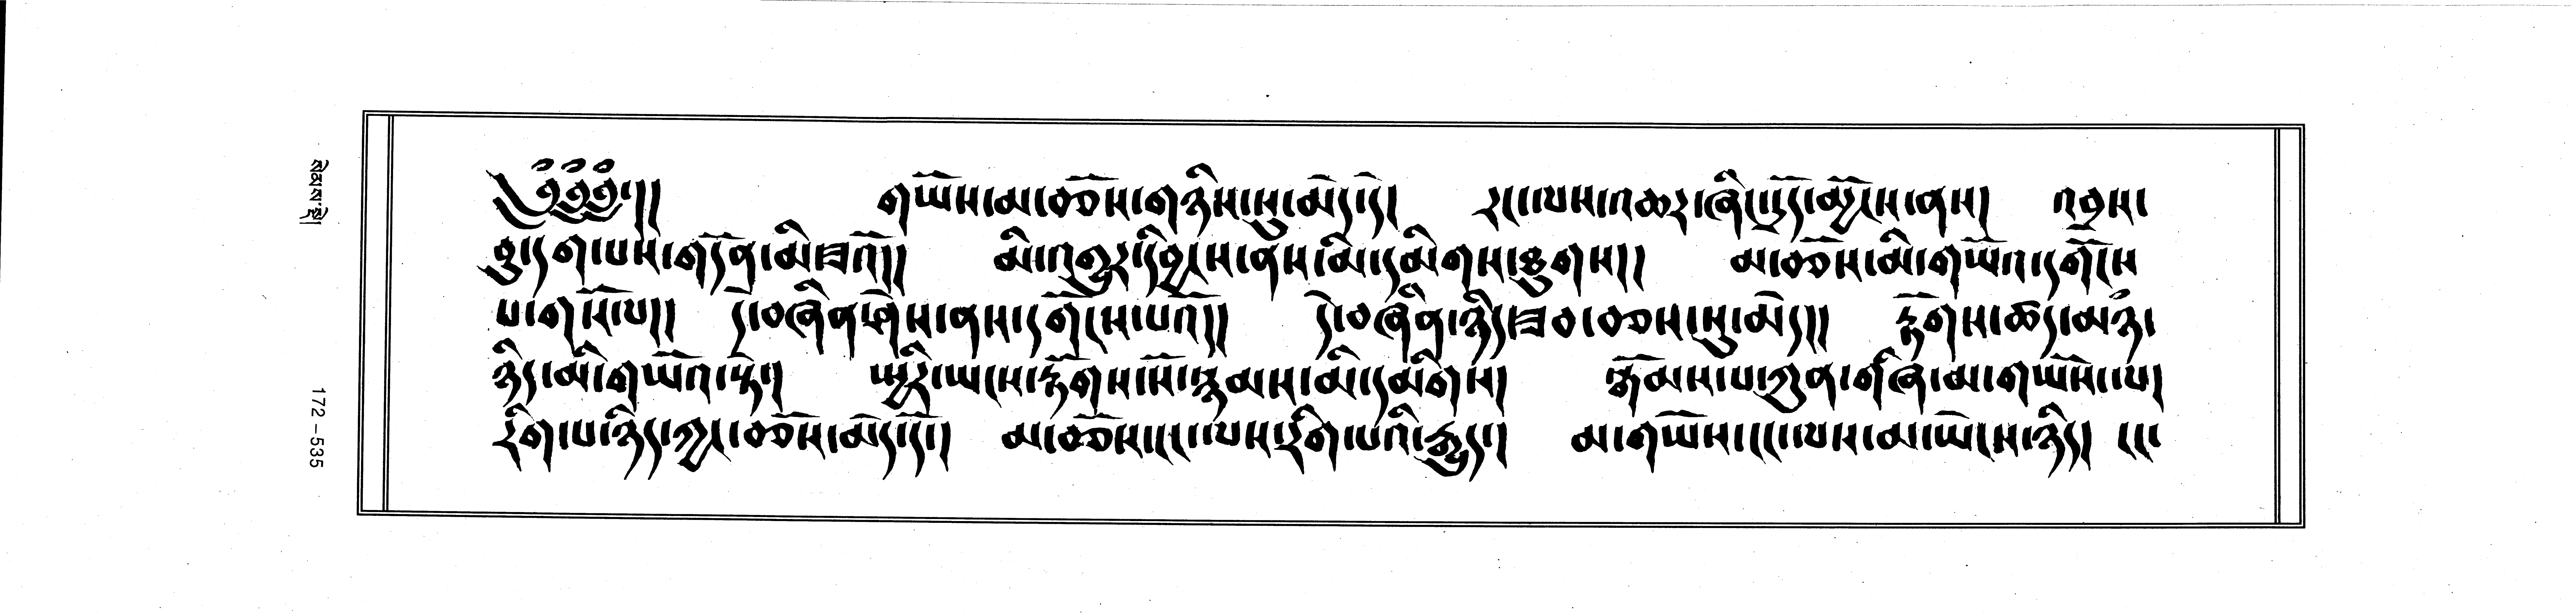གཡོས་མ་བཅོས་གཉིས་སུ་མེད་དེ། རང་ལས་འཆར་ཞིང་དྲོད་མྱོངས་ནས། འབྲས་
བུ་དག་པས་གདོན་མི་ཟའོ། མི་འགྱུར་དབྱིངས་ནས་མི་དམིགས་ཐུགས། མ་བཅོས་མི་གཡོའ་དགོངས་
པ་གསོལ། དེ་བཞིན་ཤེས་ནས་དགོངས་པའོ། དེ་བཞིན་ཉིད་ཟབ་བཅོས་སུ་མེད། རྟོགས་ཚད་མཉམ་
ཉིད་མི་གཡོའ་སྟེ། སྤྱིར་ཡང་རྟོགས་སོ་སྙམས་མི་དམིགས། སྒོམས་པ་ཀུན་གཞི་མ་གཡོས་ལ། 
རིག་པ་ཉིད་ཀྱང་བཅོས་མེད་དོ། མ་བཅོས་ངང་ལས་རིག་པའི་རྒྱུད། མ་གཡོས་ངང་ལས་མ་གཡེངས་ཉིད། ངང་